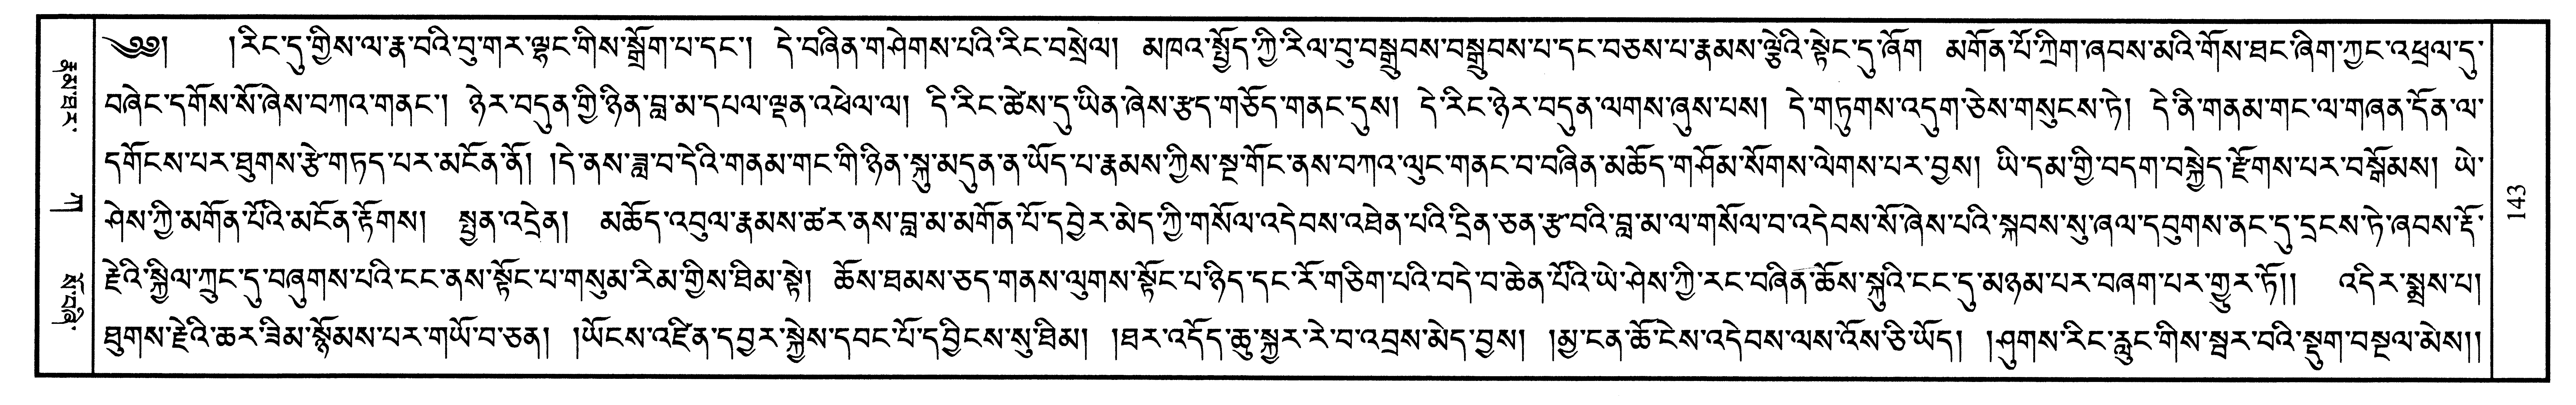༄༅། །རིང་དུ་གྱིས་ལ་རྣ་བའི་བུ་གར་ལྷང་གིས་སྒྲོག་པ་དང་། དེ་བཞིན་གཤེགས་པའི་རིང་བསྲེལ། མཁའ་སྤྱོད་ཀྱི་རིལ་བུ་བསྒྲུབས་བསྒྲུབས་པ་དང་བཅས་པ་རྣམས་ལྕེའི་སྟེང་དུ་ཞོག །མགོན་པོ་ཀྲིག་ཞབས་མའི་གོས་ཐང་ཞིག་ཀྱང་འཕྲལ་དུ་
བཞེང་དགོས་སོ་ཞེས་བཀའ་གནང་། ཉེར་བདུན་གྱི་ཉིན་བླ་མ་དཔལ་ལྡན་འཕེལ་ལ། དི་རིང་ཚེས་དུ་ཡིན་ཞེས་རྩད་གཅོད་གནང་དུས། དེ་རིང་ཉེར་བདུན་ལགས་ཞུས་པས། དེ་གཏུགས་འདུག་ཅེས་གསུངས་ཏེ། དེ་ནི་གནམ་གང་ལ་གཞན་དོན་ལ་
དགོངས་པར་ཐུགས་རྩེ་གཏད་པར་མངོན་ནོ། །དེ་ནས་ཟླ་བ་དེའི་གནམ་གང་གི་ཉིན་སྐུ་མདུན་ན་ཡོད་པ་རྣམས་ཀྱིས་སྔ་གོང་ནས་བཀའ་ལུང་གནང་བ་བཞིན་མཆོད་གཤོམ་སོགས་ལེགས་པར་བྱས། ཡི་དམ་གྱི་བདག་བསྐྱེད་རྫོགས་པར་བསྒོམས། ཡེ་
ཤེས་ཀྱི་མགོན་པོའི་མངོན་རྟོགས། སྤྱན་འདྲེན། མཆོད་འབུལ་རྣམས་ཚར་ནས་བླ་མ་མགོན་པོ་དབྱེར་མེད་ཀྱི་གསོལ་འདེབས་འཐེན་པའི་དྲིན་ཅན་རྩ་བའི་བླ་མ་ལ་གསོལ་བ་འདེབས་སོ་ཞེས་པའི་སྐབས་སུ་ཞལ་དབུགས་ནང་དུ་དྲངས་ཏེ་ཞབས་རྡོ་
རྗེའི་སྐྱིལ་ཀྲུང་དུ་བཞུགས་པའི་ངང་ནས་སྟོང་པ་གསུམ་རིམ་གྱིས་ཐིམ་སྟེ། ཆོས་ཐམས་ཅད་གནས་ལུགས་སྟོང་པ་ཉིད་དང་རོ་གཅིག་པའི་བདེ་བ་ཆེན་པོའི་ཡེ་ཤེས་ཀྱི་རང་བཞིན་ཆོས་སྐུའི་ངང་དུ་མཉམ་པར་བཞག་པར་གྱུར་ཏོ། །འདིར་སྨྲས་པ།
ཐུགས་རྗེའི་ཆར་ཟིམ་སྙོམས་པར་གཡོ་བ་ཅན། །ཡོངས་འཛིན་དབྱར་སྐྱེས་དབང་པོ་དབྱིངས་སུ་ཐིམ། །ཐར་འདོད་ཆུ་སྐྱར་རེ་བ་འབྲས་མེད་བྱས། །མྱ་ངན་ཆོ་ངེས་འདེབས་ལས་འོས་ཅི་ཡོད། །ཤུགས་རིང་རླུང་གིས་སྦར་བའི་སྡུག་བསྔལ་མེད།།